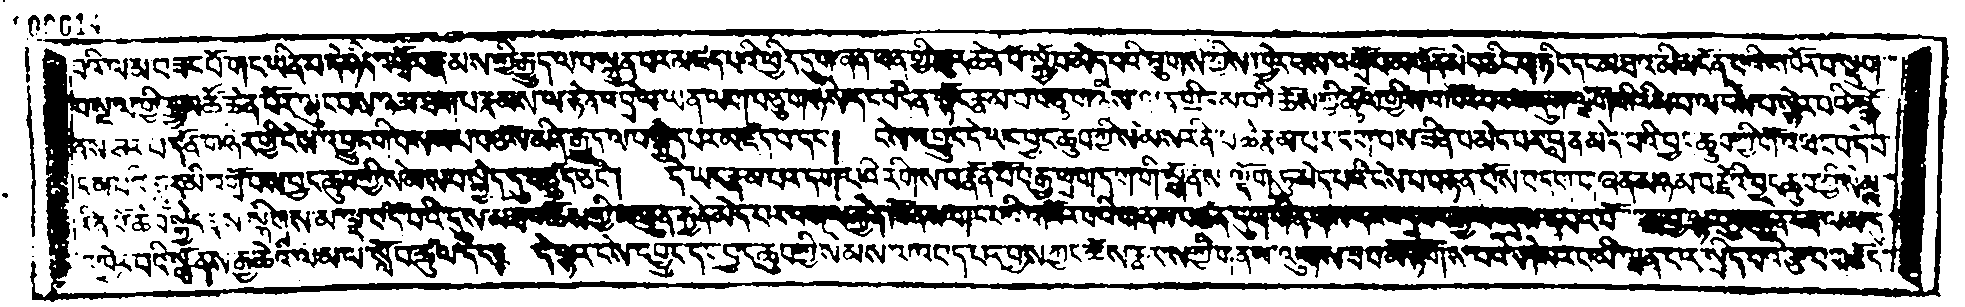བའི་ལམ་བཟང་པོ་གང་ཡིན་པ་དེ་ཉིད་འགྲོ་བ་རྣམས་ཀྱི་རྒྱུད་ལ་བསྐྲུན་པར་མཛད་པའི་ཕྱིར་དུ་གཞན་ཕན་གྱི་ཁུར་ཆེན་པོ་སྐྱོ་བ་མེད་པའི་ཐུགས་ཀྱིས་ཁྱེར་བས་འགྲོ་བ་མགོན་མེད་ཅིང་གཏིང་དང་མཐའ་མི་མངོན་པའི་འཁོར་བ་སྡུག་
བསྔལ་གྱི་རྒྱ་མཚོ་ཆེན་པོར་ལྟུང་བས་ཉམ་ཐག་པ་རྣམས་ལ་རྟེན་འབྲེལ་ཡན་ལག་བཅུ་གཉིས་དང་བདེན་སྟོང་རྣམ་པ་བཅུ་གཉིས་ལྡན་གྱི་དམ་པའི་ཆོས་ཀྱི་ཚུལ་གྱིས་འཁོར་བར་འཇུག་ལྡོག་གི་རིམ་པ་ལ་ངེས་པ་སྟེར་བའི་སྒོ་
ནས་ཐར་པ་དོན་གཉེར་གྱི་ངེས་འབྱུང་གི་བསམ་པ་བཅོས་མིན་རྒྱུད་ལ་བསྐྱེད་པར་མཛད་པ་དང་། ངེས་འབྱུང་དེ་ཡང་བྱང་ཆུབ་ཀྱི་སེམས་རིན་པོ་ཆེ་རྣམ་པར་དག་པས་ཟིན་པ་མེད་པར་བླ་ན་མེད་པའི་བྱང་ཆུབ་ཀྱི་གོ་འཕང་བདེ་བ་
དམ་པའི་རྒྱུར་མི་འགྲོ་བས་བྱང་ཆུབ་ཀྱི་སེམས་བསྐྱེད་དུ་བཙུད་ཅིང་། དེ་ཡང་རྣམ་པར་དག་པའི་རིགས་པ་རྣོན་པོ་བརྒྱ་ཕྲག་དག་གི་སྒོ་ནས་ལྡོག་ཏུ་མེད་པའི་ངེས་པ་བརྟན་པོས་བདག་གཞན་མཉམ་བརྗེའི་བྱང་ཆུབ་ཀྱི་སེམས་
རིན་པོ་ཆེ་བསྐྱེད་ནས་སྙིགས་མ་ལྔ་བདོ་བའི་དུས་མཐའ་ཆོས་ཀྱི་མཐུན་རྐྱེན་མེད་པར་འགལ་རྐྱེན་ཁོ་ནས་གང་པའི་འཁོར་བའི་གནས་བཙན་དུག་གི་ནགས་དང་འདྲ་བར་རྒྱལ་སྲས་དཔའ་བོ་རྨ་བྱ་ལྟ་བུས་རྐྱེན་ངན་ལམ་དུ་
འཁྱེར་བའི་སྒོ་ནས་རྒྱ་ཆེའི་ལམ་ལ་སློབ་ཚུལ་དང་། དེ་ལྟར་ངེས་འབྱུང་དང་བྱང་ཆུབ་ཀྱི་སེམས་ལ་འབད་པར་བྱས་ཀྱང་ཆོས་རྣམས་ཀྱི་གནས་ལུགས་ཟབ་མོ་རྟོགས་པའི་ཤེས་རབ་མི་ལྡན་པར་སྲིད་པའི་རྩ་བ་གཅོད་